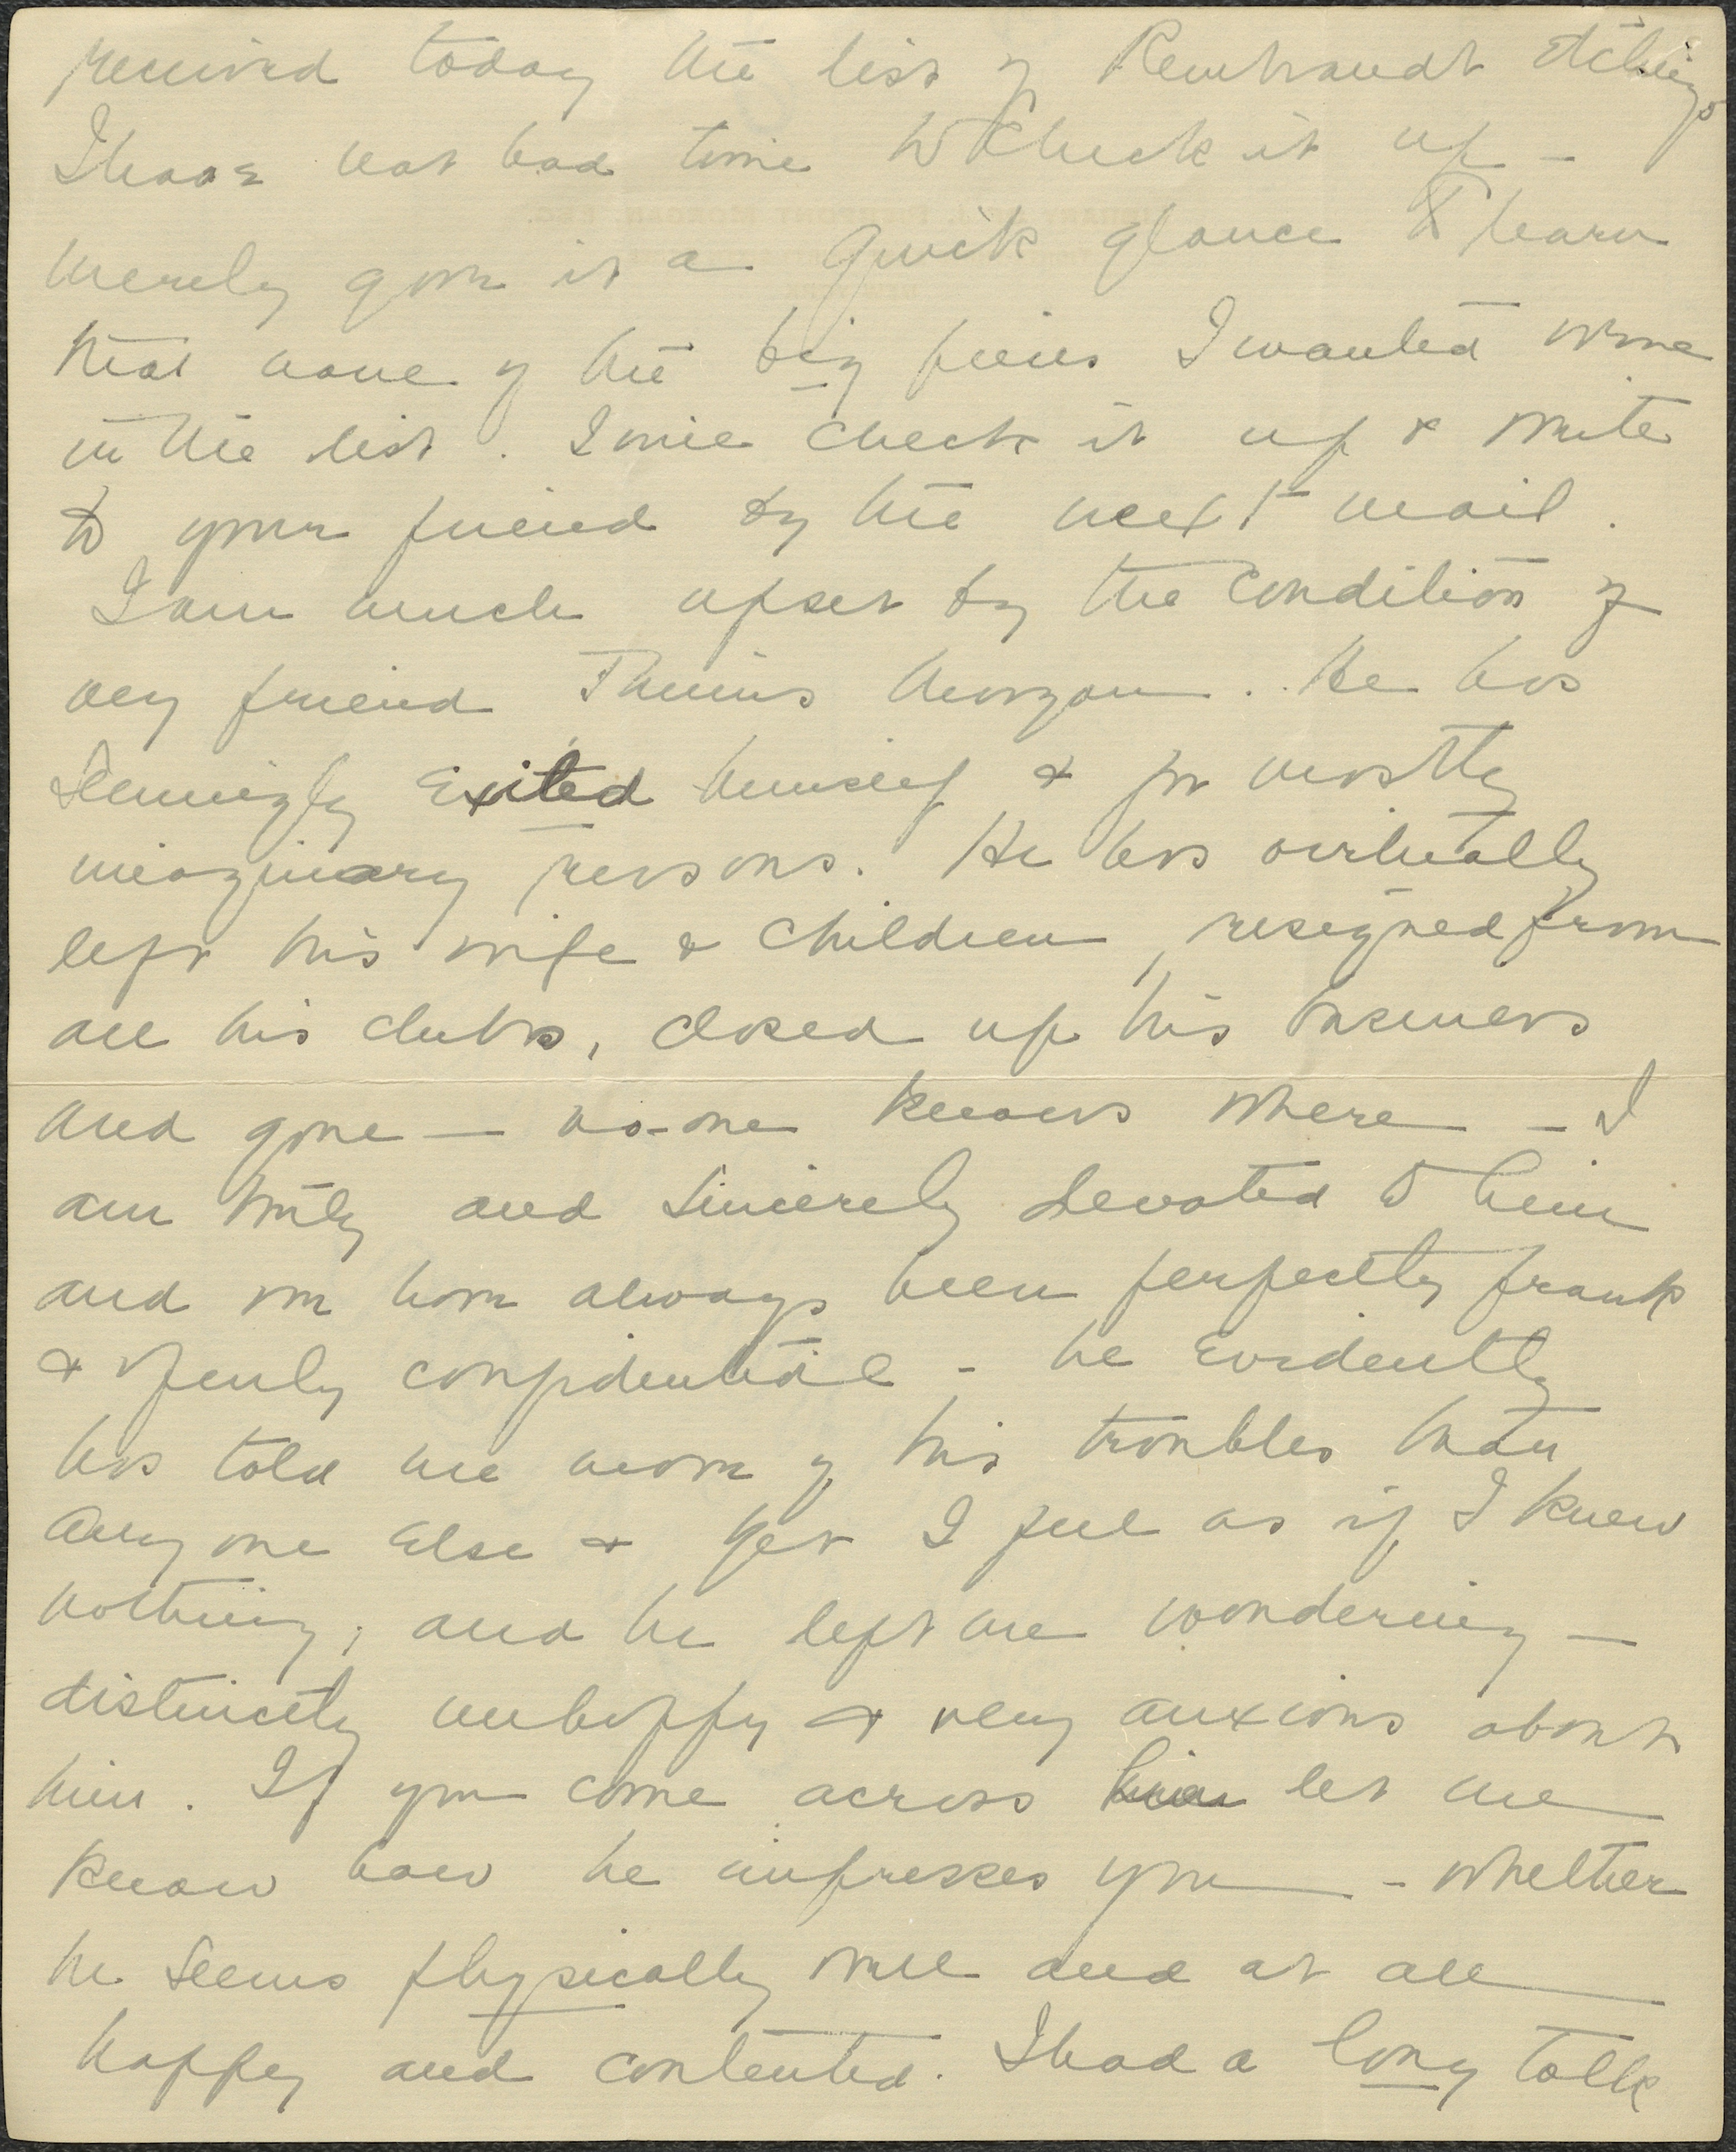received today the list of Rembrandt etchings I have not had time to check it up – merely gave it a quick glance to learn that none of the big pieces I wanted were in the list. I will check it up & write to your friend by the next mail. I am much upset by the condition of my friend Junius Morgan. He has seemingly exited himself & for mostly imaginary reasons. He has virtually left his wife & children, resigned from all his clubs, closed up his business and gone – no-one knows where – I am truly and sincerely devoted to him and we have always been perfectly frank & openly confidential – he evidently has told me more of his troubles than anyone else & yet I feel as if I knew nothing, and he left me wondering – distinctly unhappy & very anxious about him. If you come across him let me know how he impresses you – whether he seems physically well and at all happy and contented. I had a long talk